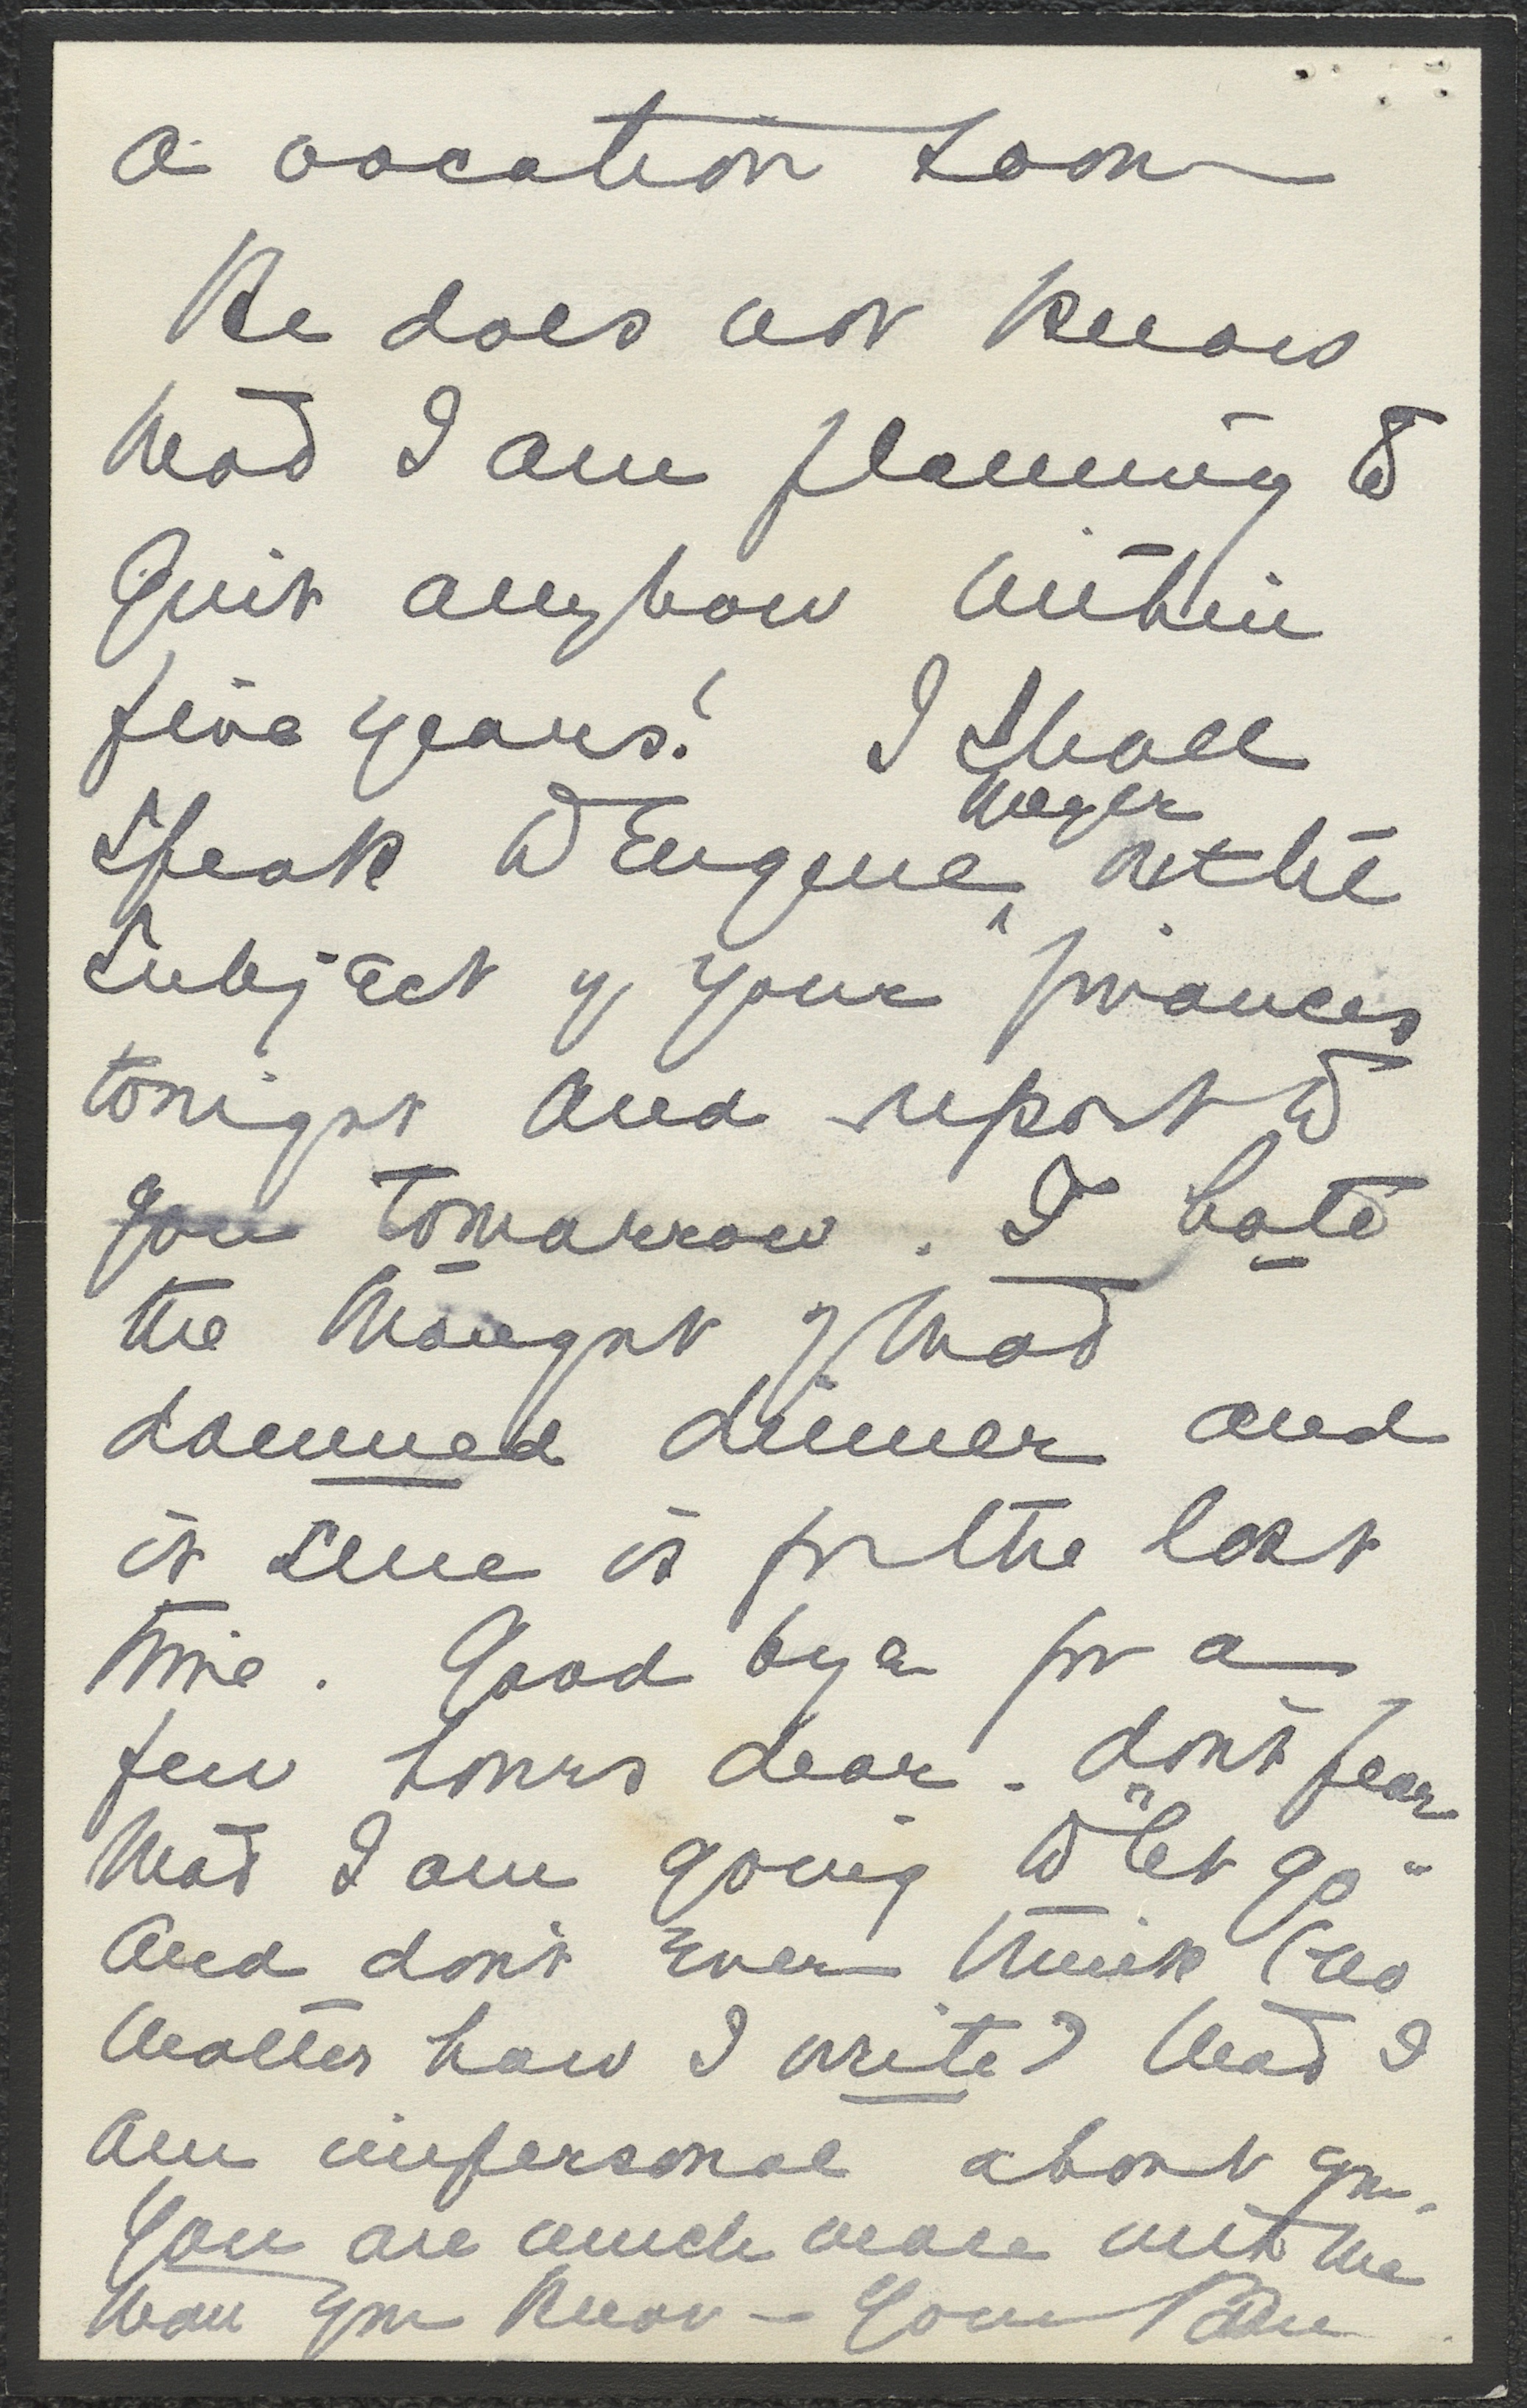a vacation soon
He does not know that I am planning to quit anyhow within five years! I shall speak to Eugene [^Meyer^] on the subject of your finances tonight and report to you tomorrow. I hate the thought of that damned dinner and it sure is for the last time. good bye for a few hours dear – don’t fear that I am going to “let go” and don’t ever think (no matter how I write) that I am impersonal about you – You are much more with me than you know – Your Belle